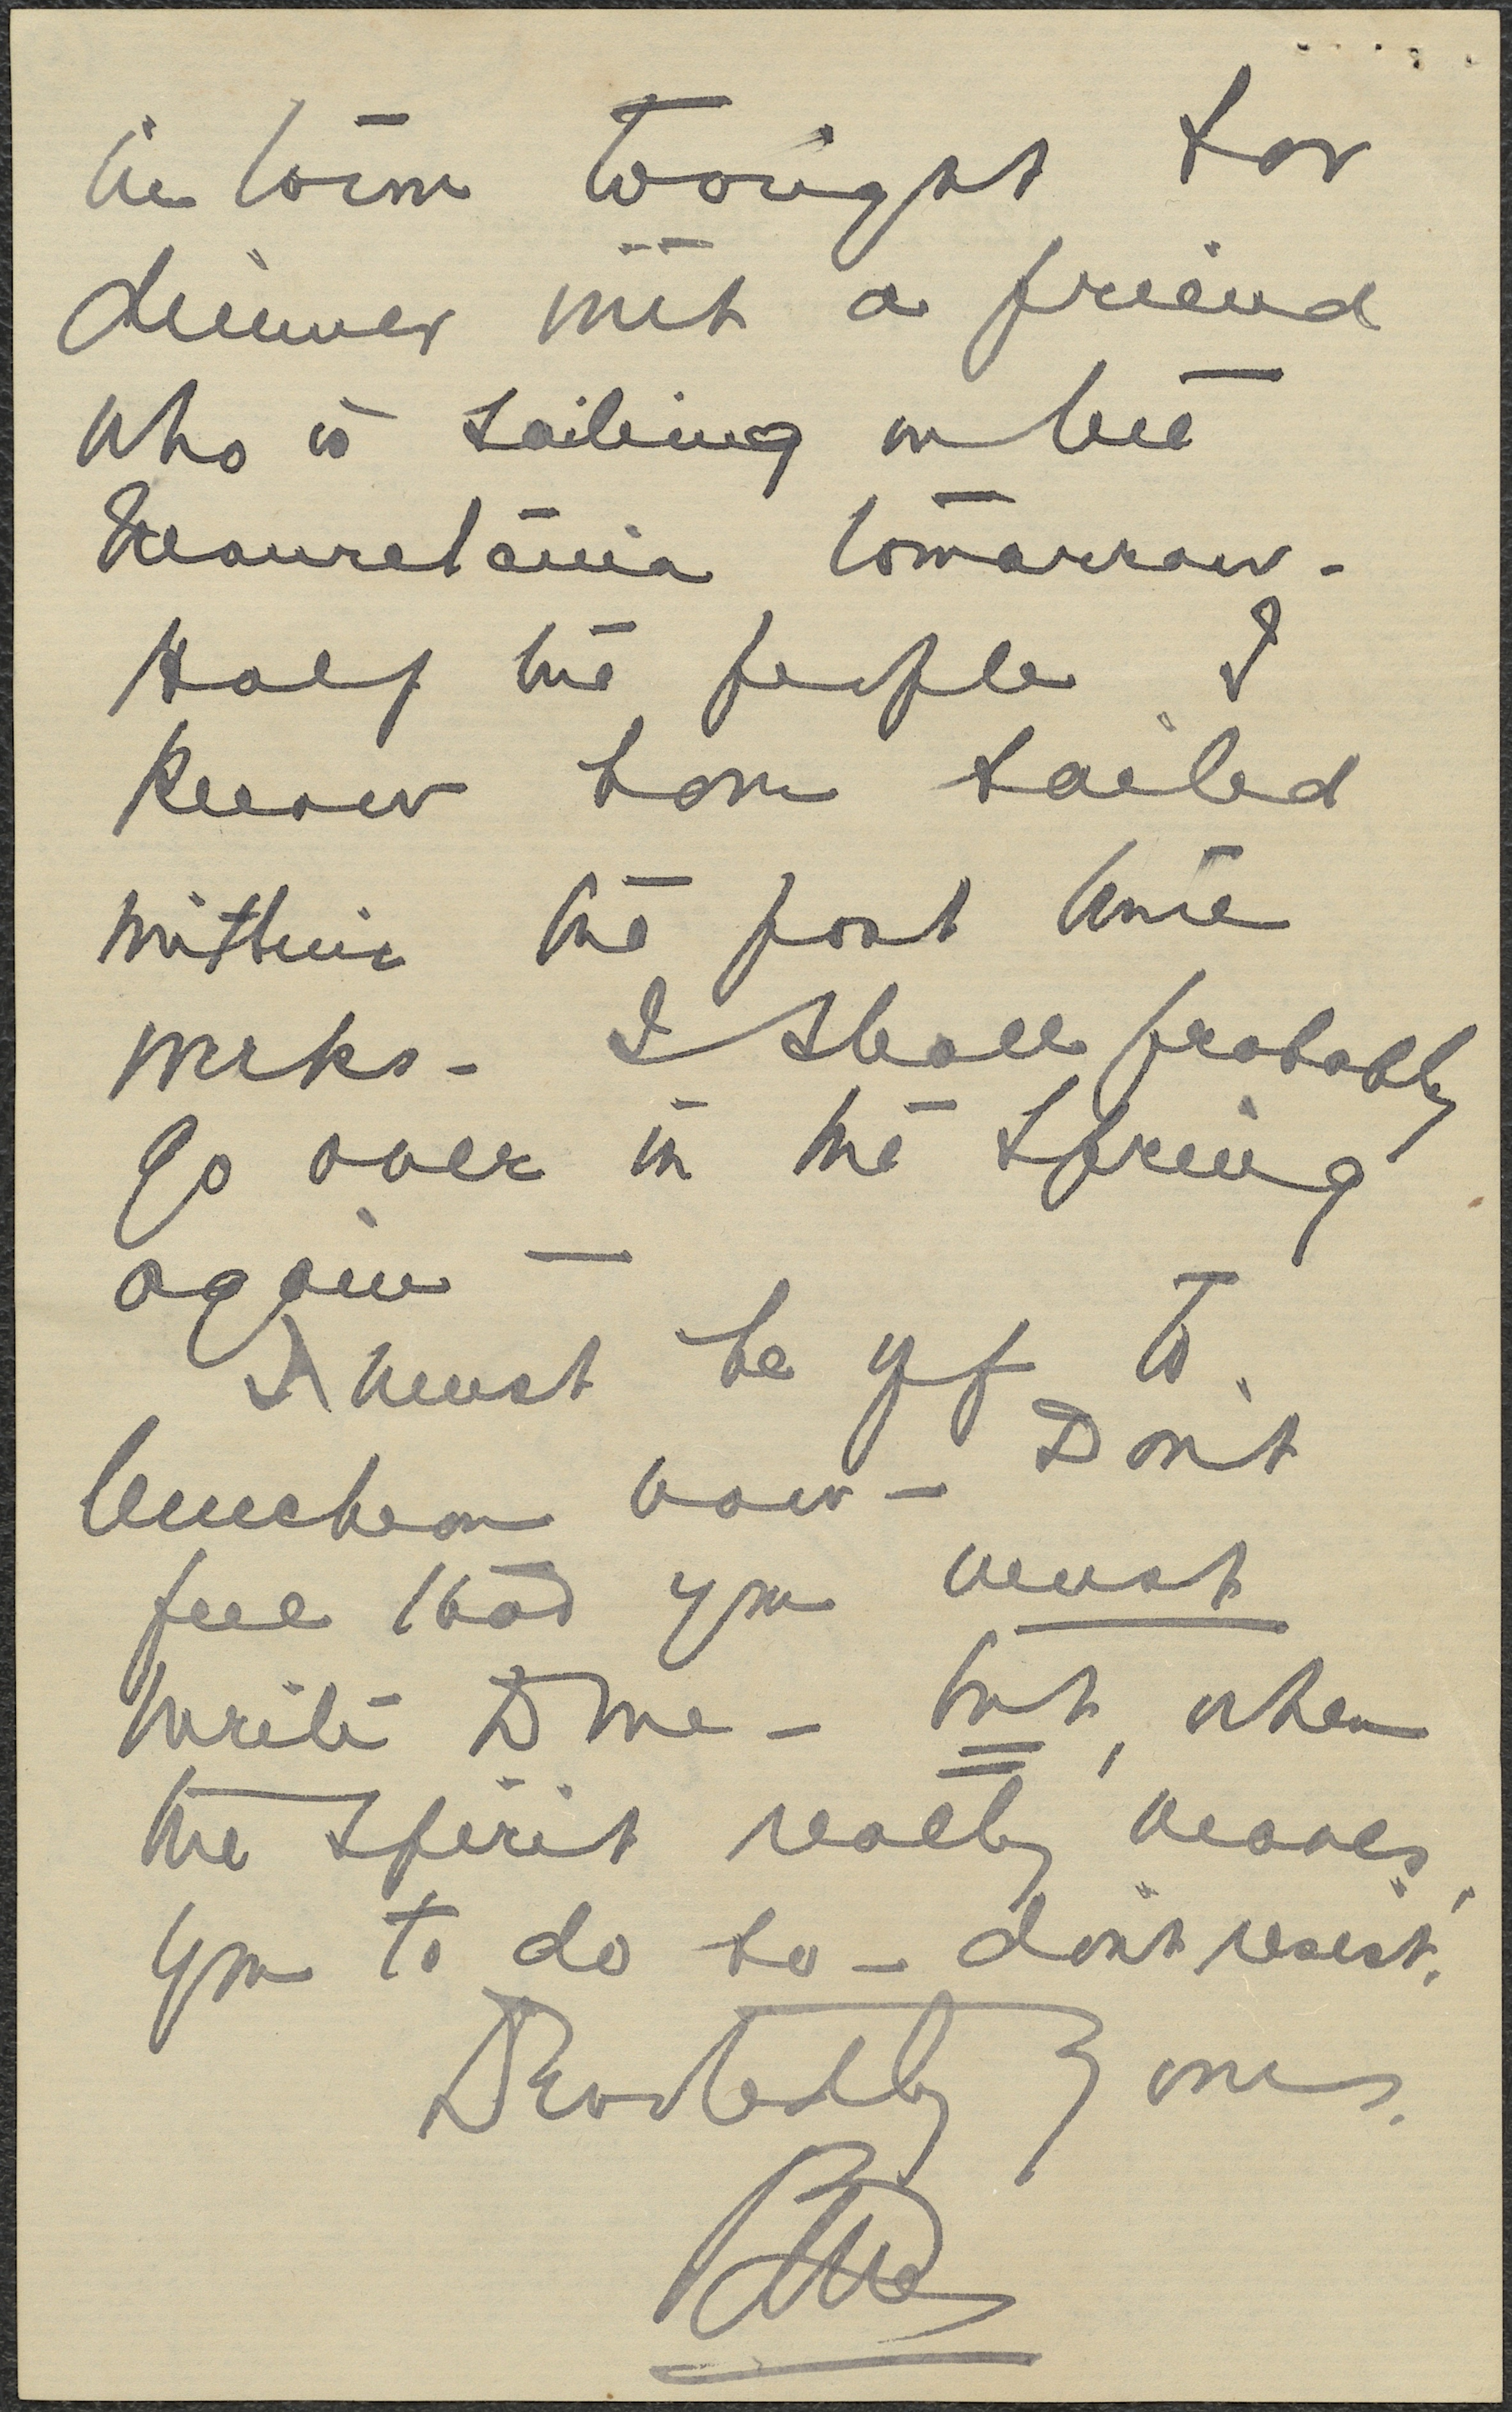in town tonight for dinner with a friend who is sailing on the Mauretania tomorrow. Half the people I know have sailed within the past three weeks – I shall probably go over in the Spring again –
I must be off to luncheon now – Don’t feel like you must write to me – [double underlined: but], when the spirit really moves you to do so – don’t resist!
Devotedly Yours.
Belle